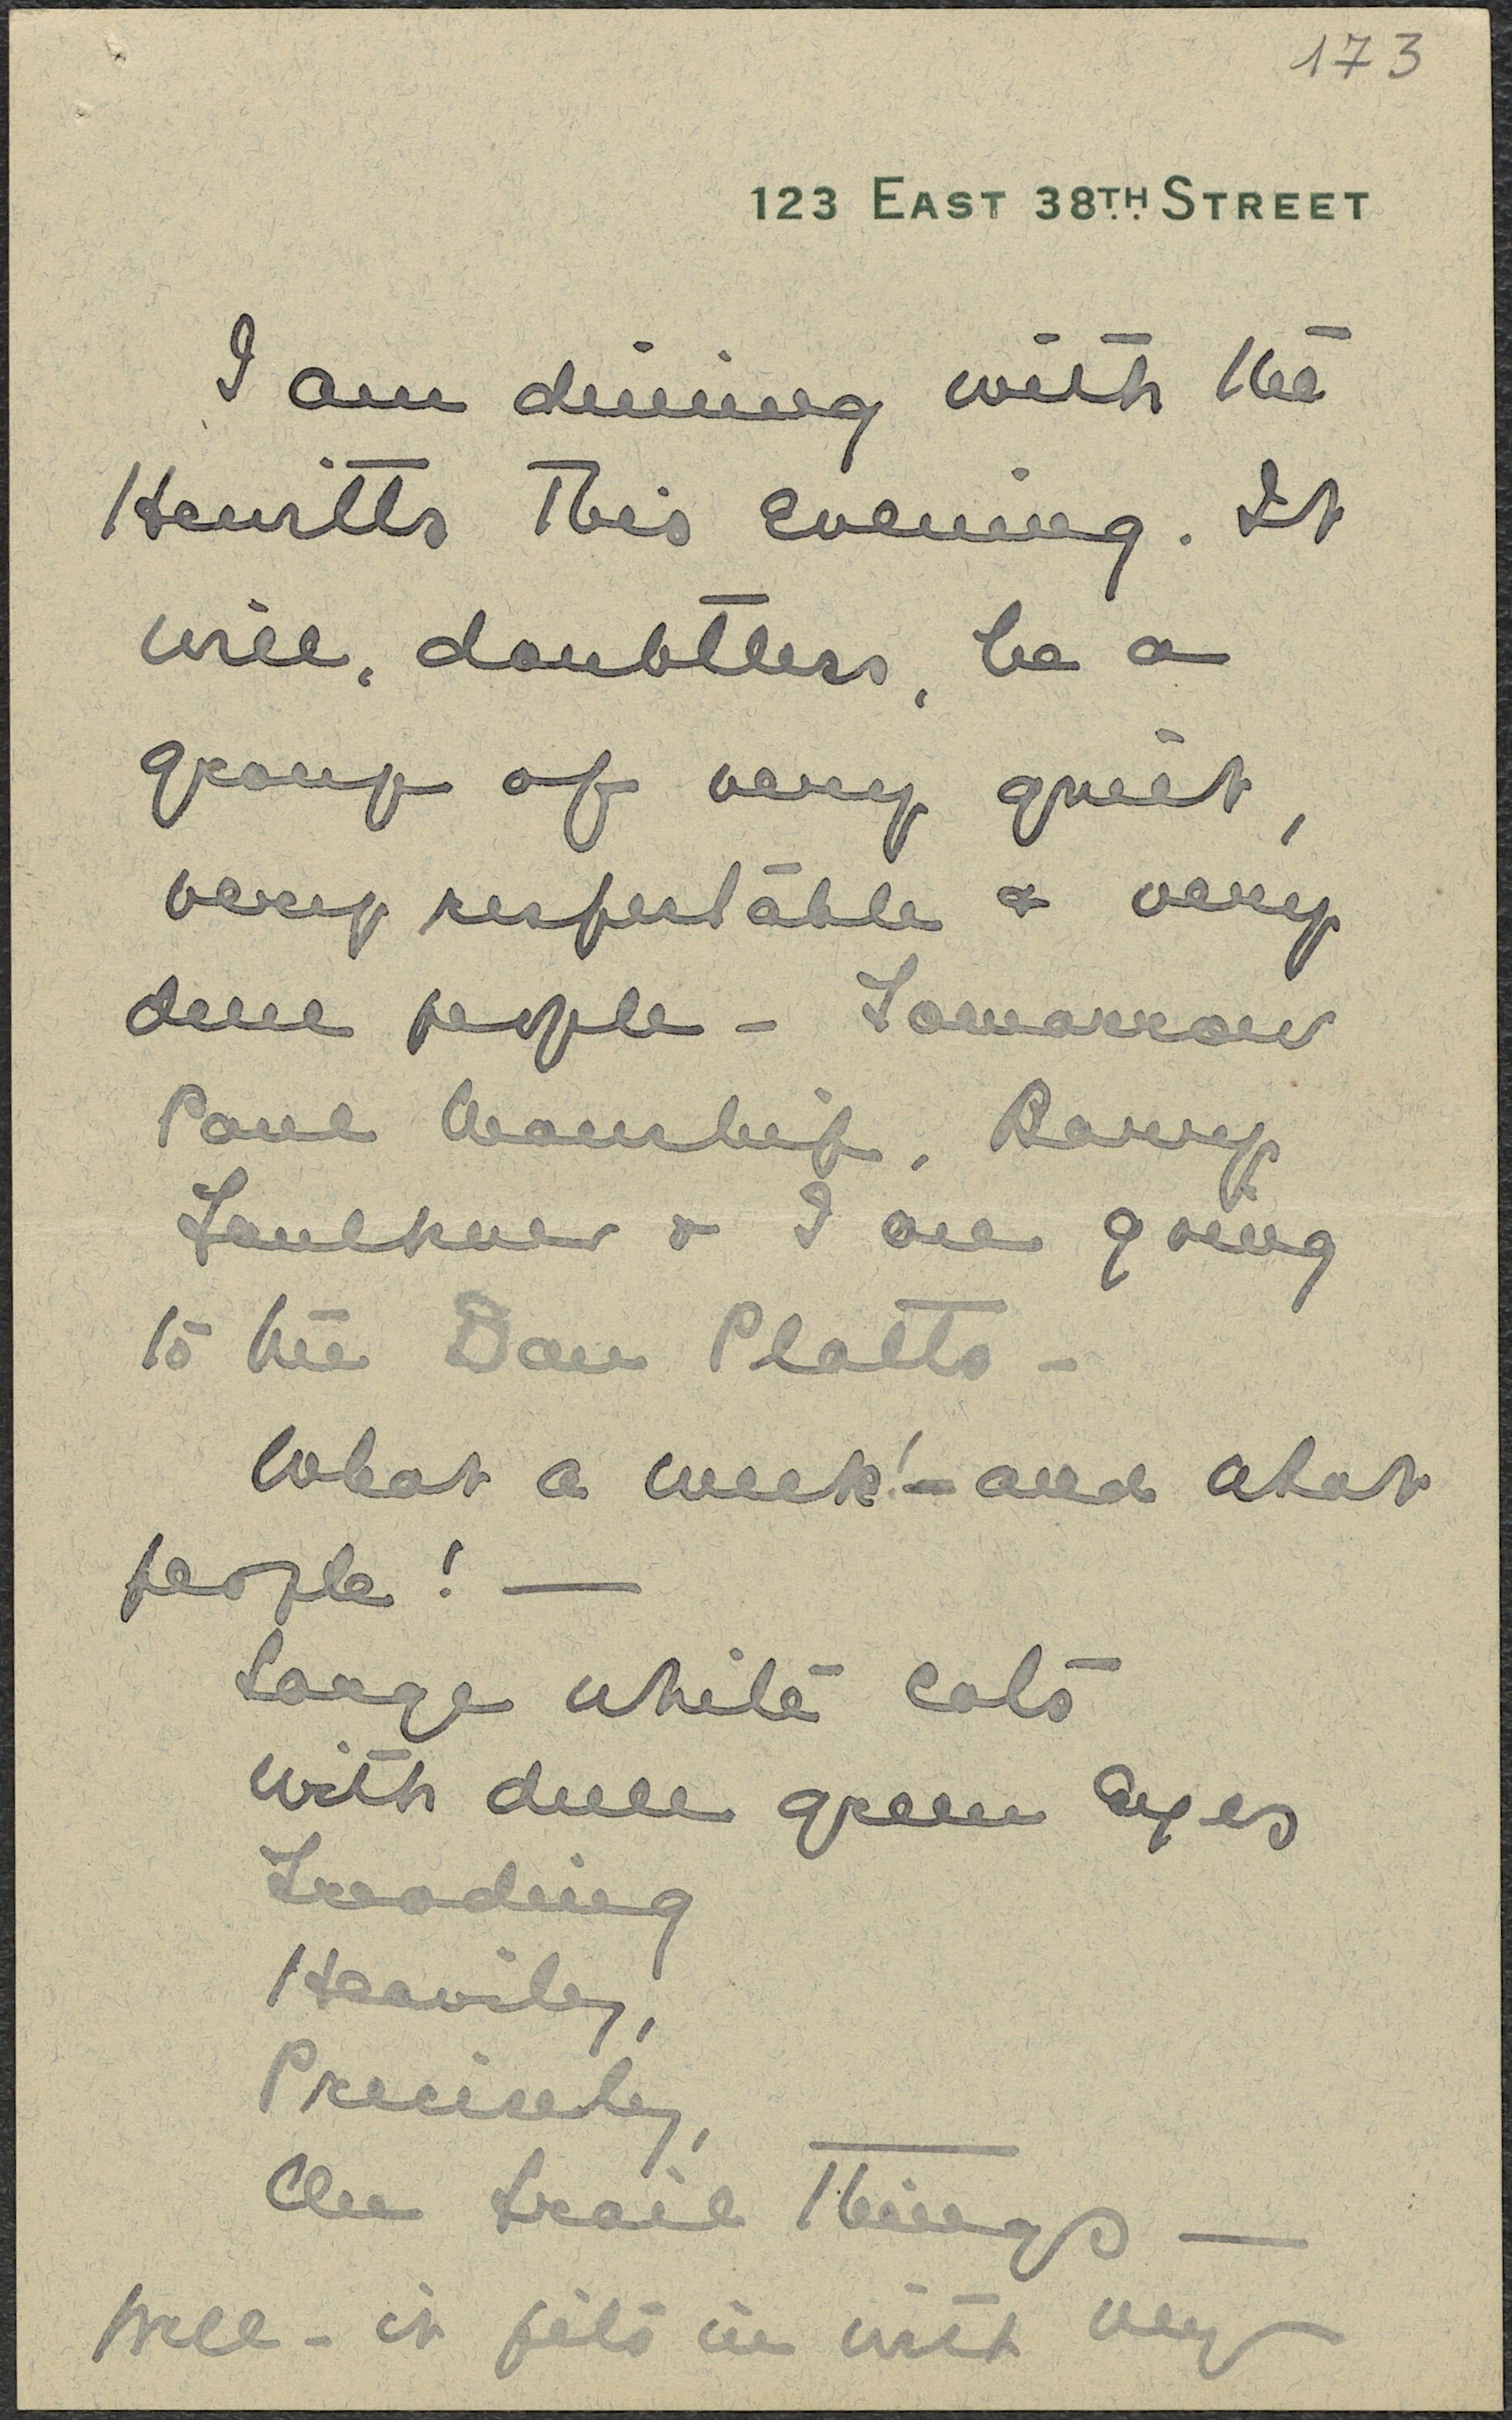I am dining with the Hewitts this evening. It will, doubtless, be a group of very quiet, very respectable & very dull people – Tomorrow Paul Manship, Barry Faulkner & I are going to the Dan Platts –
What a week! – and what people! –
Large white cats
with dull green eyes
Treading
Heavily,
Precisely,
On frail things –
Well – it fits in with my